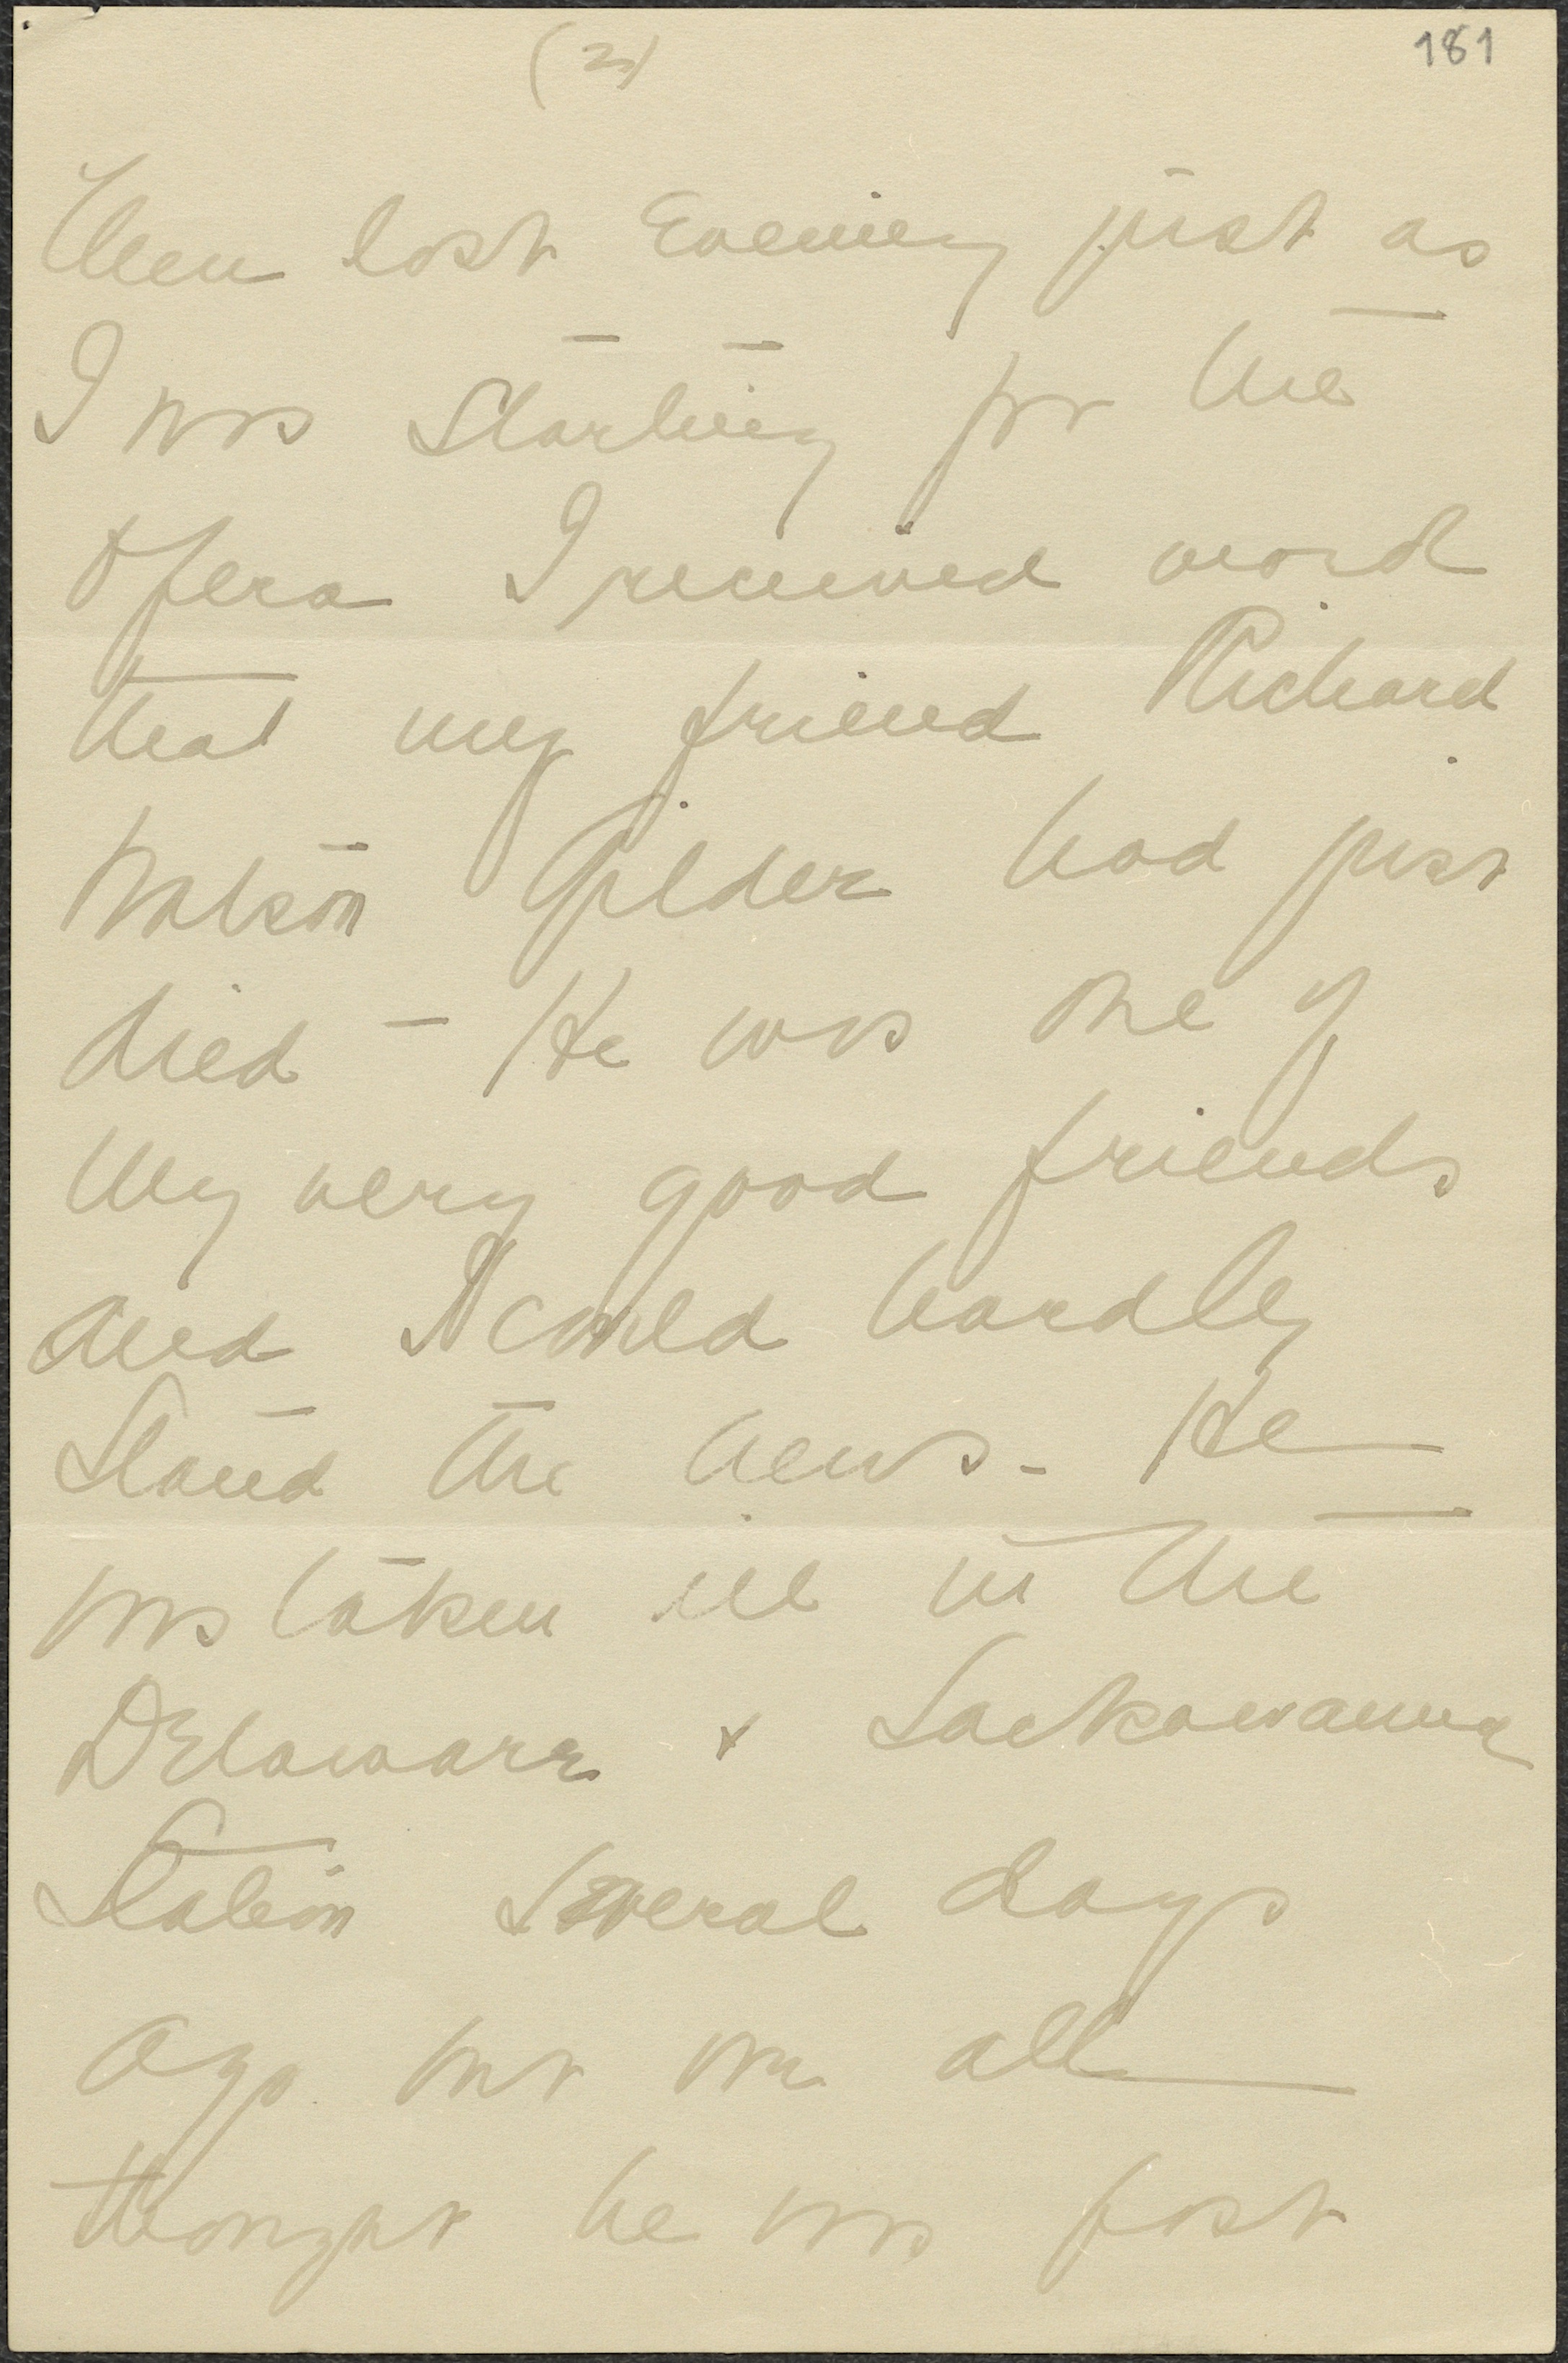(2)
Then last evening just as I was starting for the opera I received word that my friend Richard Watson Gilder had just died – He was one of my very good friends and I could hardly stand the news – He was taken ill in the Delaware & Lackawanna Station several days ago but we all thought he was past